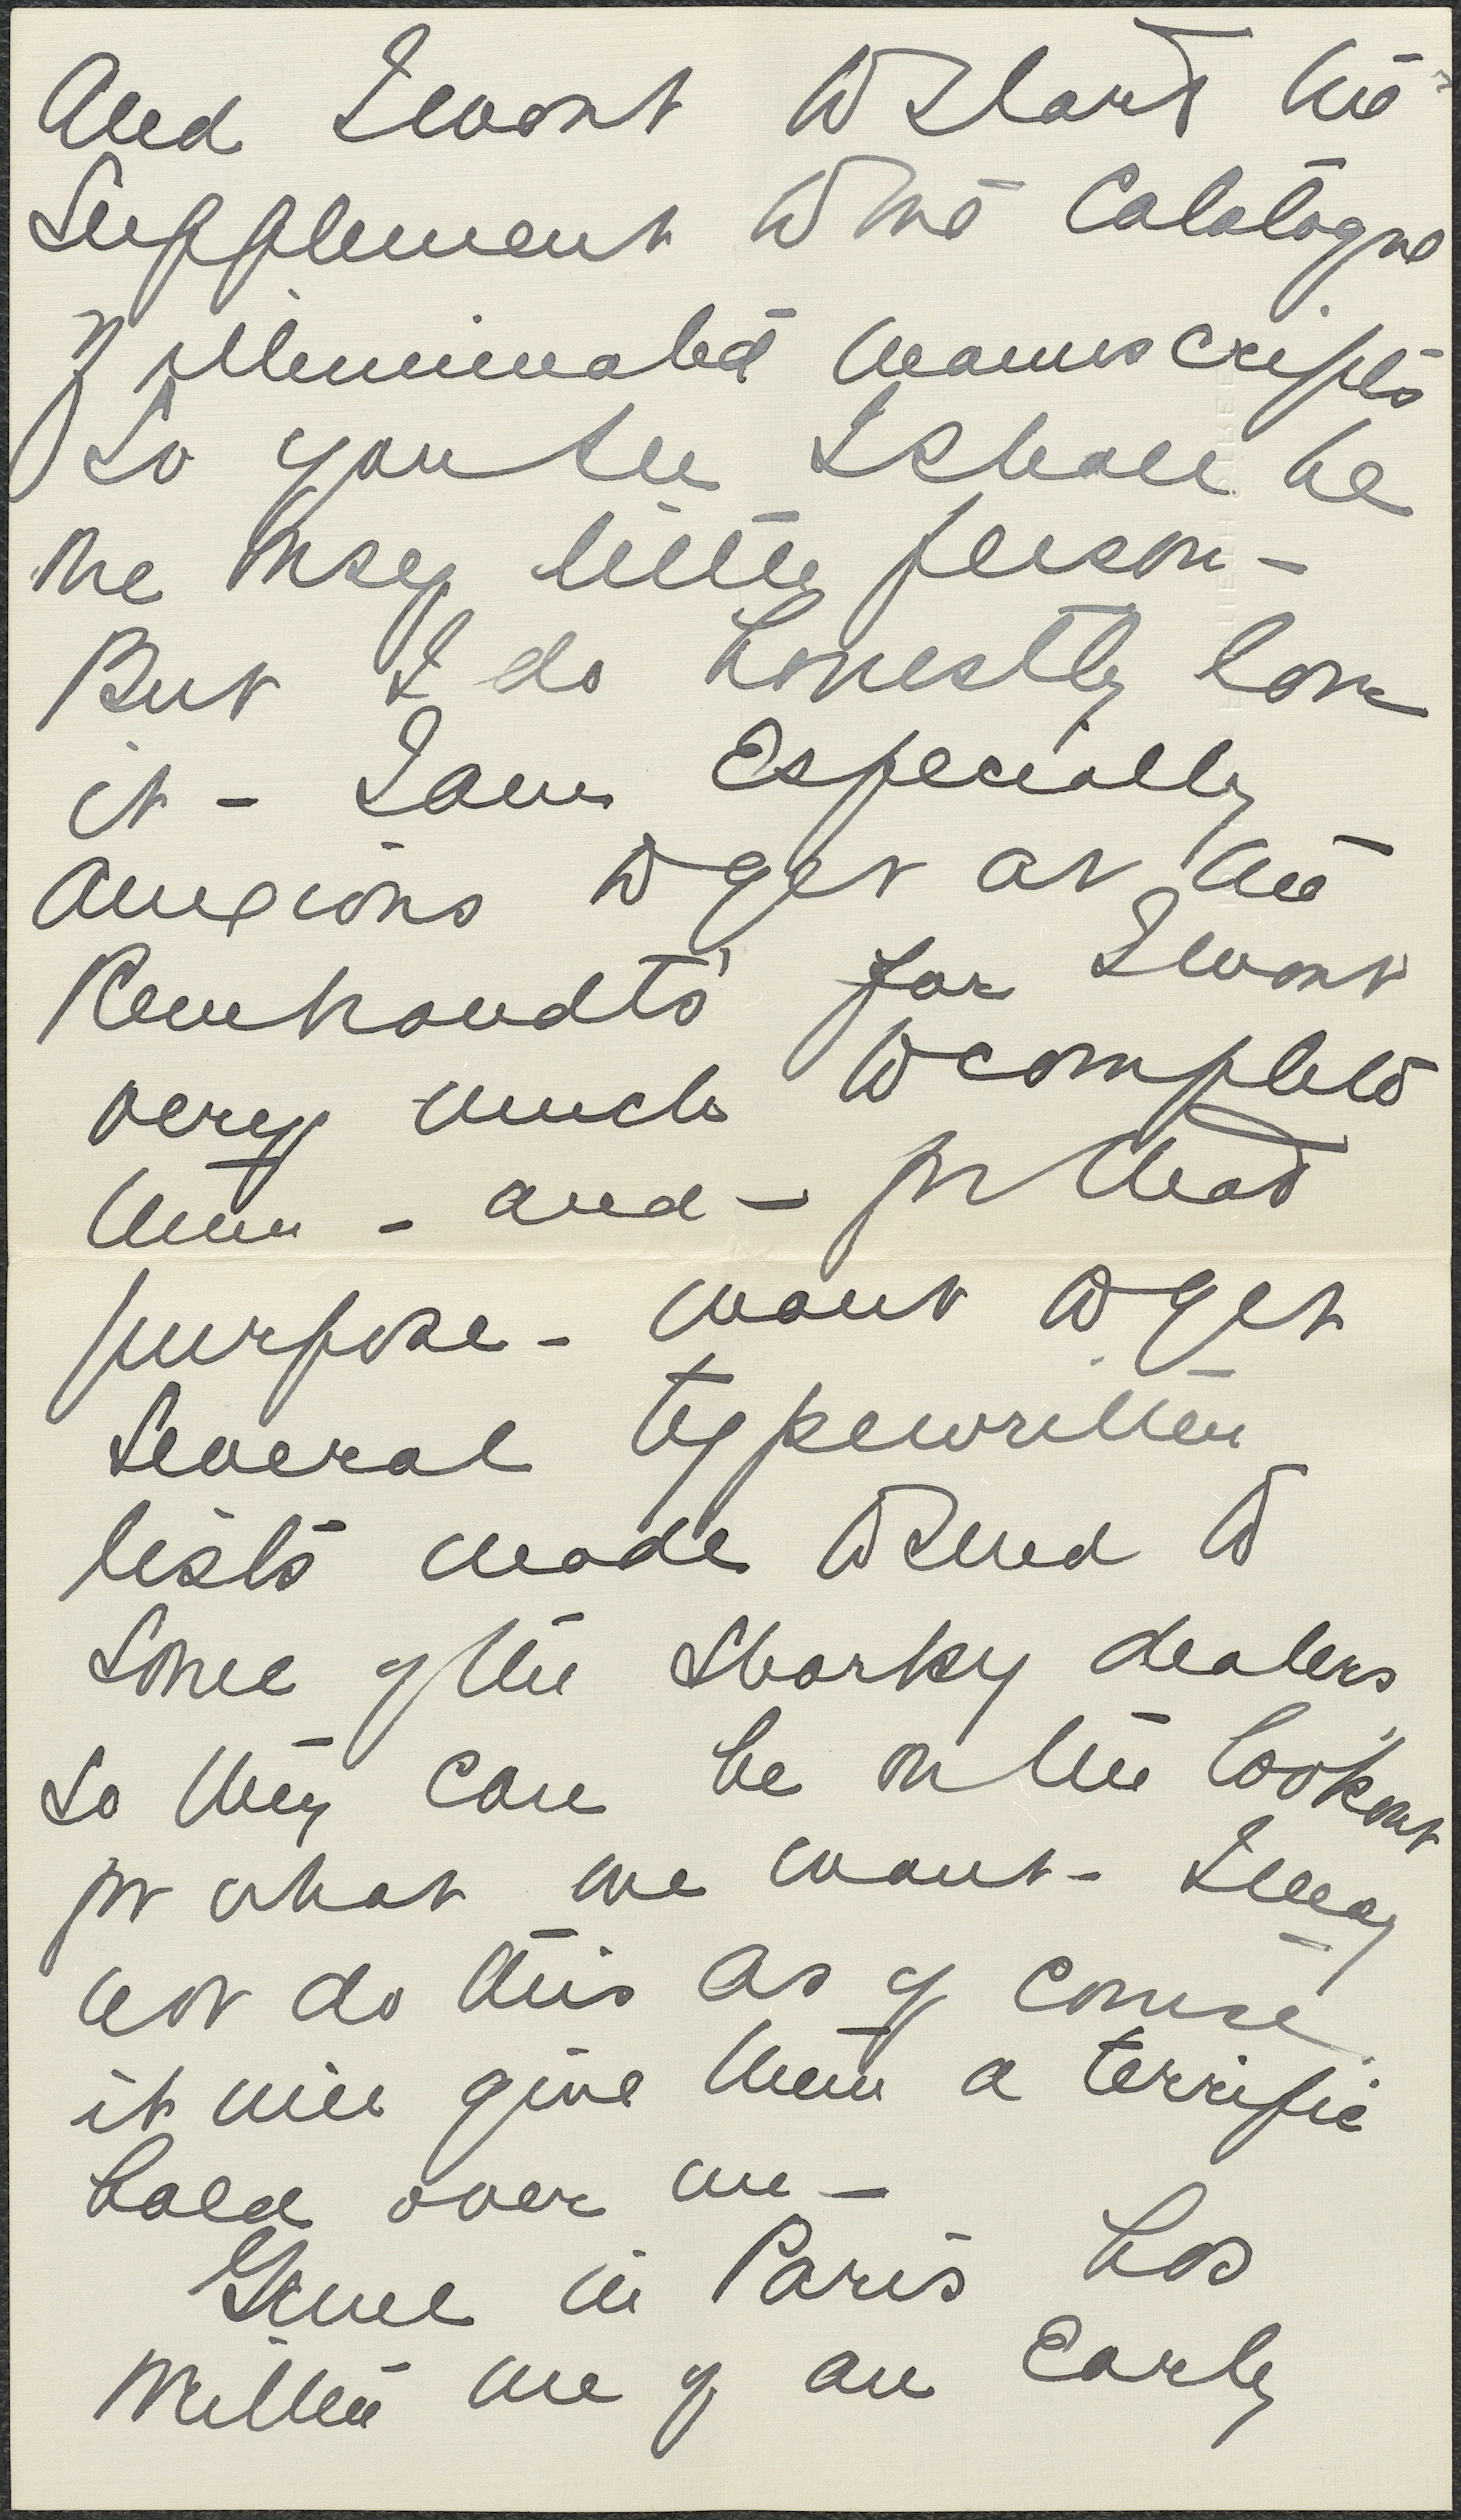and I want to start the Supplement to the catalogue of illuminated manuscripts So you see I shall be one busy little person – But I do honestly love it – I am especially anxious to get at the Rembrandts’ for I want very much to complete them– and – for that purpose – want to get several typewritten lists made to send to some of the sharky dealers so they can be on the lookout for what we want – I may not do this as of course it will give them a terrific hold over me –
Gruel in Paris has written me of an early